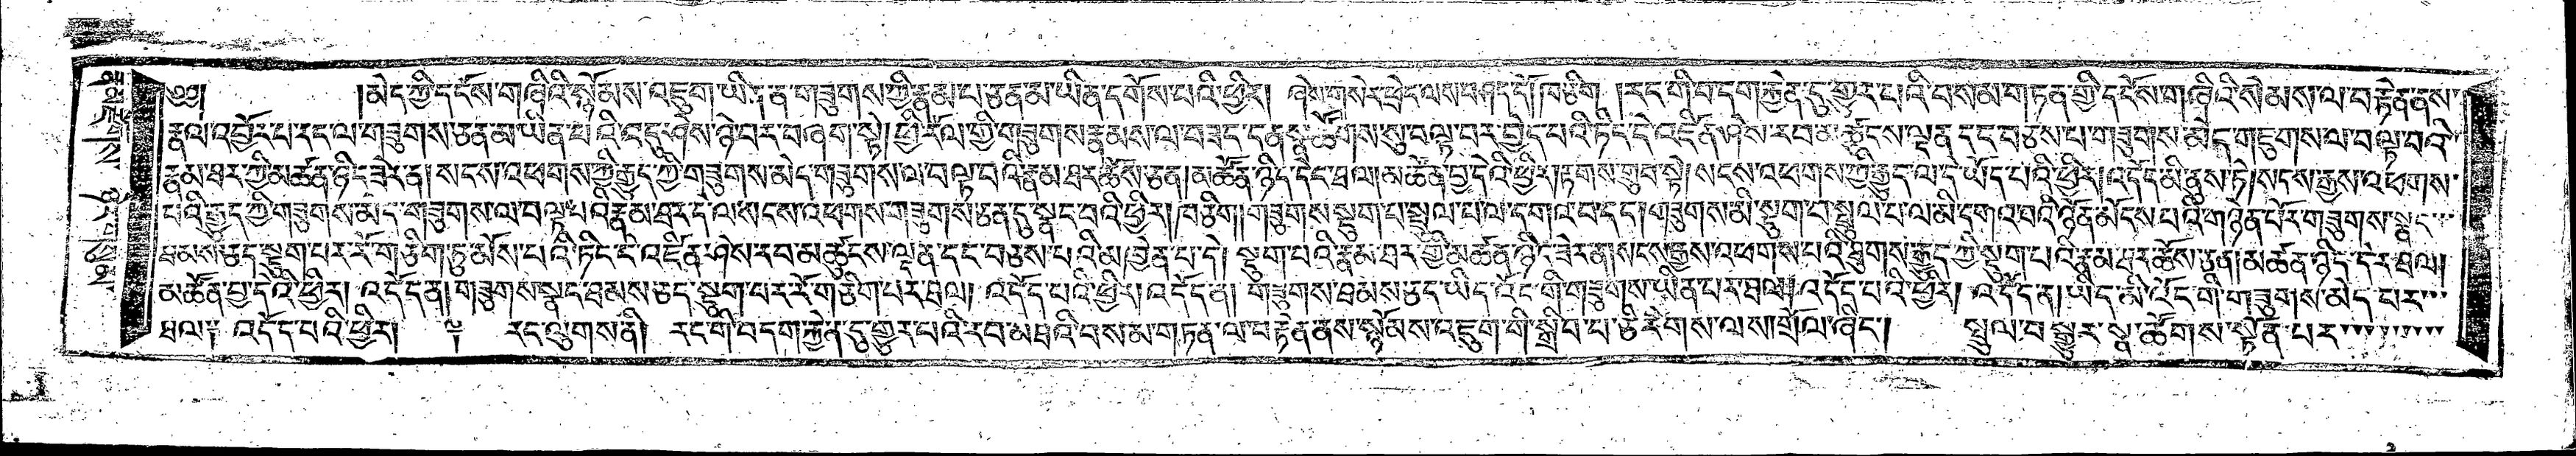༄༅། །མེད་ཀྱི་དངོས་གཞིའི་སྙོམས་འཇུག་ཡིན་ན་གཟུགས་ཀྱི་རྣམ་པ་ཅན་མ་ཡིན་དགོས་པའི་ཕྱིར། ཞེས་གསེར་ཕྲེང་ལས་བཤད་དོ། ཁ་ཅིག །རང་གི་བདག་རྐྱེན་དུ་གྱུར་པའི་བསམ་གཏན་གྱི་དངོས་གཞིའི་སེམས་ལ་བརྟེན་ནས་
རྣལ་འབྱོར་པ་རང་ལ་གཟུགས་ཅན་མ་ཡིན་པའི་འདུ་ཤེས་ཉེ་བར་བཞག་སྟེ། ཕྱི་རོལ་གྱི་གཟུགས་རྣམས་ལ་བཟང་ངན་སྣ་ཚོགས་སུ་ལྟ་བར་བྱེད་པའི་ཏིང་ངེ་འཛིན་ཤེས་རབ་མཚུངས་ལྡན་དང་བཅས་པ་གཟུགས་མེད་གཟུགས་ལ་ལྟ་བའི་
རྣམ་ཐར་ཀྱི་མཚན་ཉིད་ཟེར་ན། སངས་འཕགས་ཀྱི་རྒྱུད་ཀྱི་གཟུགས་མེད་གཟུགས་ལ་ལྟ་བའི་རྣམ་ཐར་ཆོས་ཅན། མཚན་ཉིད་དེར་ཐལ། མཚོན་བྱ་དེའི་ཕྱིར། རྟགས་གྲུབ་སྟེ། སངས་འཕགས་ཀྱི་རྒྱུད་ལ་དེ་ཡོད་པའི་ཕྱིར། འདོད་མི་ནུས་ཏེ། སངས་རྒྱས་འཕགས་
པའི་རྒྱུད་ཀྱི་གཟུགས་མེད་གཟུགས་ལ་ལྟ་བའི་རྣམ་ཐར་དེ་ལ་སངས་འཕགས་གཟུགས་ཅན་དུ་སྣང་བའི་ཕྱིར། ཁ་ཅིག །གཟུགས་སྡུག་པ་སྤྲུལ་པ་ལ་དགའ་བ་དང་། གཟུགས་མི་སྡུག་པ་སྤྲུལ་པ་ལ་མི་དགའ་བའི་ཉོན་མོངས་པའི་གཉེན་པོར་གཟུགས་སྣང་
ཐམས་ཅད་སྡུག་པར་རོ་གཅིག་ཏུ་མོས་པའི་ཏིང་ངེ་འཛིན་ཤེས་རབ་མཚུངས་ལྡན་དང་བཅས་པའི་མཁྱེན་པ་དེ། སྡུག་པའི་རྣམ་ཐར་གྱི་མཚན་ཉིད་ཟེར་ན། སངས་རྒྱས་འཕགས་པའི་ཐུགས་རྒྱུད་ཀྱི་སྡུག་པའི་རྣམ་ཐར་ཆོས་ཅན། མཚན་ཉིད་དེར་ཐལ།
མཚོན་བྱ་དེའི་ཕྱིར། འདོད་ན། གཟུགས་སྣང་ཐམས་ཅད་སྡུག་པར་རོ་གཅིག་པར་ཐལ། འདོད་པའི་ཕྱིར། འདོད་ན། གཟུགས་ཐམས་ཅད་ཡིད་འོང་གི་གཟུགས་ཡིན་པར་ཐལ། འདོད་པའི་ཕྱིར། འདོད་ན། ཡིད་མི་འོང་གི་གཟུགས་མེད་པར་
ཐལ༑ འདོད་པའི་ཕྱིར། ༈ རང་ལུགས་ནི། རང་གི་བདག་རྐྱེན་དུ་གྱུར་པའི་རབ་མཐའི་བསམ་གཏན་ལ་བརྟེན་ནས་སྙོམས་འཇུག་གི་སྒྲིབ་པ་ཅི་རིགས་ལས་གྲོལ་ཞིང་། སྤྲུལ་བསྒྱུར་སྣ་ཚོགས་སྟོན་པར་